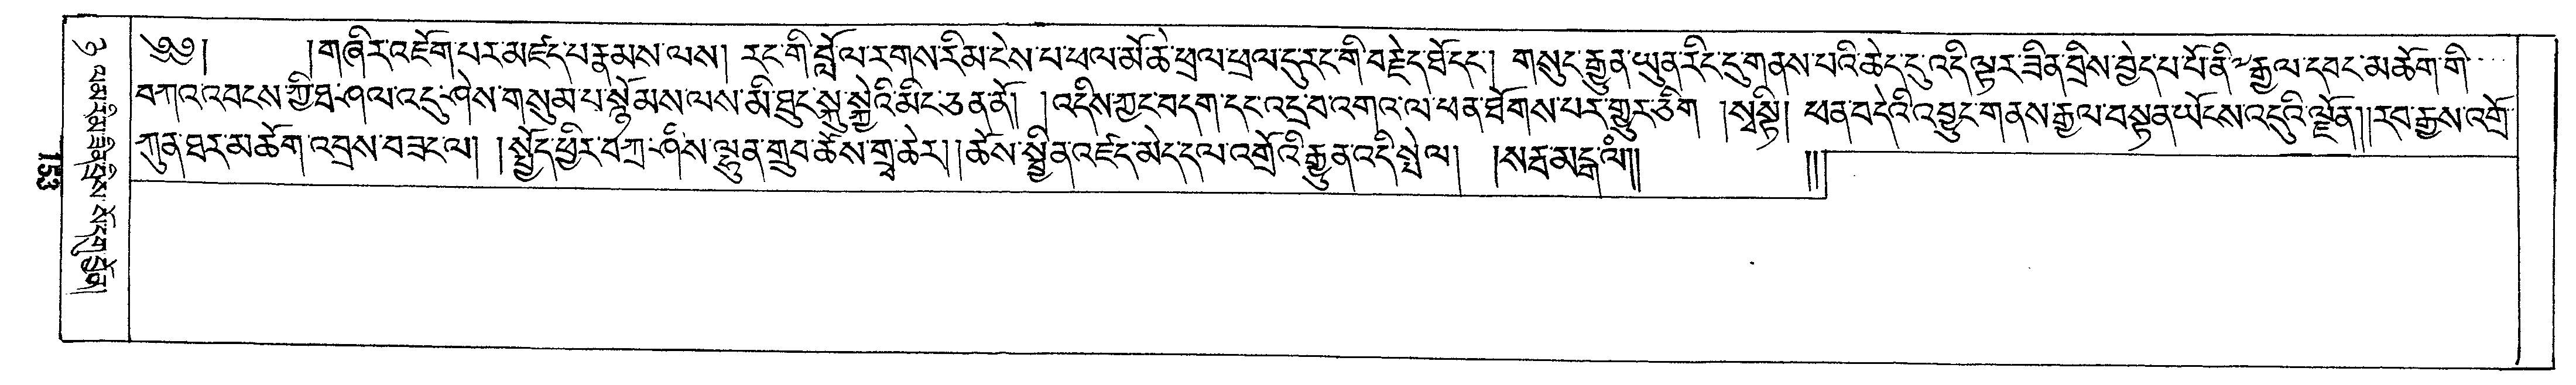༄༅། །གཞིར་འཇོག་པར་མཛད་པ་རྣམས་ལས། རང་གི་བློ་ལ་རགས་རིམ་ངེས་པ་ཕེལ་མོ་ཆེ་ཕྲལ་ཕྲལ་དུ་རང་གི་བརྗེད་ཐོ་དང་། གསུང་རྒྱུན་ཡུན་རིང་དུ་གནས་པའི་ཆེད་དུ་འདི་ལྟར་ཟིན་བྲིས་བྱེད་བ་བོ་ནི ༧རྒྱལ་དབང་མཆོག་གི་
བཀའ་འབངས་ཀྱི་ཐ་ཤལ་འདུ་ཤེས་གསུམ་པ་སྙོམས་ལས་མི་ཐུང་སྐུ་སྐྱེའི་མིང་ཅན་ནོ། །འདིས་ཀྱང་བདག་དང་འདྲ་བ་འགའ་ལ་ཕན་ཐོགས་པར་གྱུར་ཅིག །སྭསྟི། ཕན་བདེའི་འབྱུང་གནས་རྒྱལ་བསྟན་ཡོངས་འདུའི་ལྗོན། །རབ་རྒྱས་འགྲོ་
ཀུན་ཐར་མཆོག་འབྲས་བཟང་ལ། །སྤྱོད་ཕྱིར་བཀྲ་ཤིས་ལྷུན་གྲུབ་ཆོས་གྲྭ་ཆེར། །ཆོས་སྦྱིན་འཛད་མེད་དལ་འགྲོའི་རྒྱུན་འདི་སྤེལ། །སརྦ་མངྒ་ལཾ།།